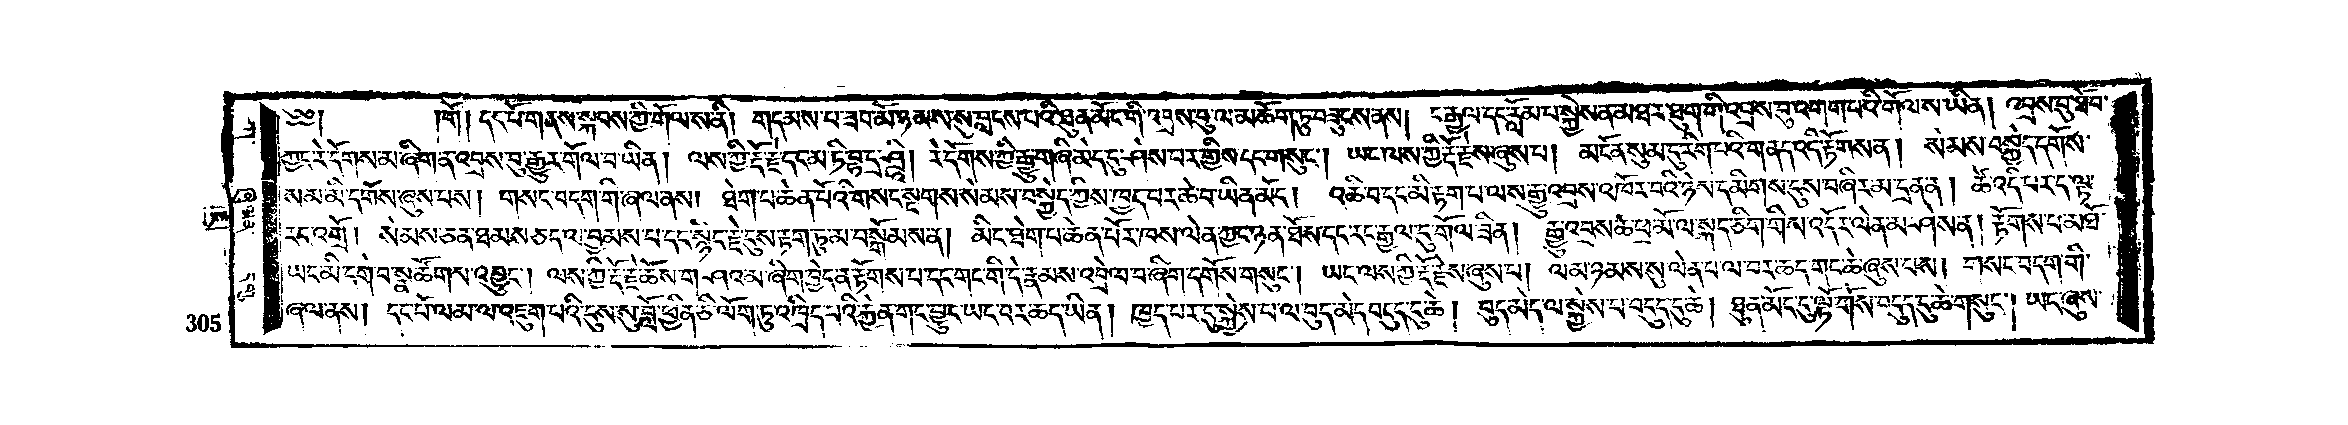༄༅། །གོ། དང་པོ་གནས་སྐབས་ཀྱི་གོལ་ས་ནི། གདམས་པ་ཟབ་མོ་ཉམས་སུ་བླངས་པའི་ཐུན་མོང་གི་འབྲས་བུ་ལ་མཆོག་ཏུ་བཟུངས་ནས། ང་རྒྱལ་དང་རློམ་པ་སྐྱེས་ན་མཐར་ཐུག་གི་འབྲས་བུ་འགག་པའི་གོལ་ས་ཡིན། འབྲས་བུ་ཐོབ་
ཀྱང་རེ་དོགས་མ་ཞིག་ན་འབྲས་བུ་རྒྱུར་གོལ་བ་ཡིན། ལས་ཀྱི་རྡོ་རྗེ་དང་མ་ཏི་བྷ་དྲ་ཤྲཱི། རེ་དོགས་ཀྱི་རྒྱུ་གཞི་མེད་དུ་ཤེས་པར་གྱིས་དང་གསུང་། ཡང་ལས་ཀྱི་རྡོ་རྗེས་ཞུས་པ། མངོན་སུམ་དུ་རིག་པའི་གནད་འདི་རྟོགས་ན། སེམས་བསྐྱེད་དགོས་
སམ་མི་དགོས་ཞུས་པས། གསང་བདག་གི་ཞལ་ནས། ཐེག་པ་ཆེན་པོའི་གསང་སྔགས་སེམས་བསྐྱེད་ཀྱིས་ཁྱད་པར་ཆེ་བ་ཡིན་མོང་། འཆི་བ་དང་མི་རྟག་པ་ལས་རྒྱུ་འབྲས་འཁོར་བའི་ཉེས་དམིགས་དུས་བཞིར་མ་དྲན་ན། ཚེ་འདི་པར་ད་ལྟ་
རང་འགྲོ། སེམས་ཅན་ཐམས་ཅད་ལ་བྱམས་པ་དང་སྙིང་རྗེ་དུས་རྟག་ཏུ་མ་བསྒོམས་ན། མིང་ཐེག་པ་ཆེན་པོར་ཁས་ལེན་ཀྱང་ཉན་ཐོས་དང་རང་རྒྱལ་དུ་གོལ་ཟིན། རྒྱུ་འབྲས་ཆ་ཕྲ་མོ་ལ་སྐད་ཅིག་གིས་འདོར་ལེན་མ་ཤེས་ན། རྟོགས་པ་མཐོ་
ཡང་མི་དགེ་བ་སྣ་ཚོགས་འབྱུང་། ལས་ཀྱི་རྡོ་རྗེ་ཆོས་གཤའ་མ་ཞིག་བྱེད་ན་རྟོགས་པ་དང་གང་གི་དེ་རྣམས་འབྲེལ་བ་ཞིག་དགོས་གསུང་། ཡང་ལས་ཀྱི་རྡོ་རྗེས་ཞུས་པ། ལམ་ཉམས་སུ་ལེན་པ་ལ་བར་ཆད་གང་ཆེ་ཞུས་པས། གསང་བདག་གི་
ཞལ་ནས། དང་པོ་ལམ་ལ་འཇུག་པའི་དུས་སུ་བློ་ཕྱིན་ཅི་ལོག་ཏུ་འཁྲིད་པའི་རྐྱེན་གང་བྱུང་ཡང་བར་ཆད་ཡིན། ཁྱད་པར་དུ་སྐྱེས་པ་ལ་བུད་མེད་བདུད་དུ་ཆེ། བུད་མེད་ལ་སྐྱེས་པ་བདུད་དུ་ཆེ། ཐུན་མོང་དུ་ལྟོ་གོས་བདུད་དུ་ཆེ་གསུང་། ཡང་ཞུས་